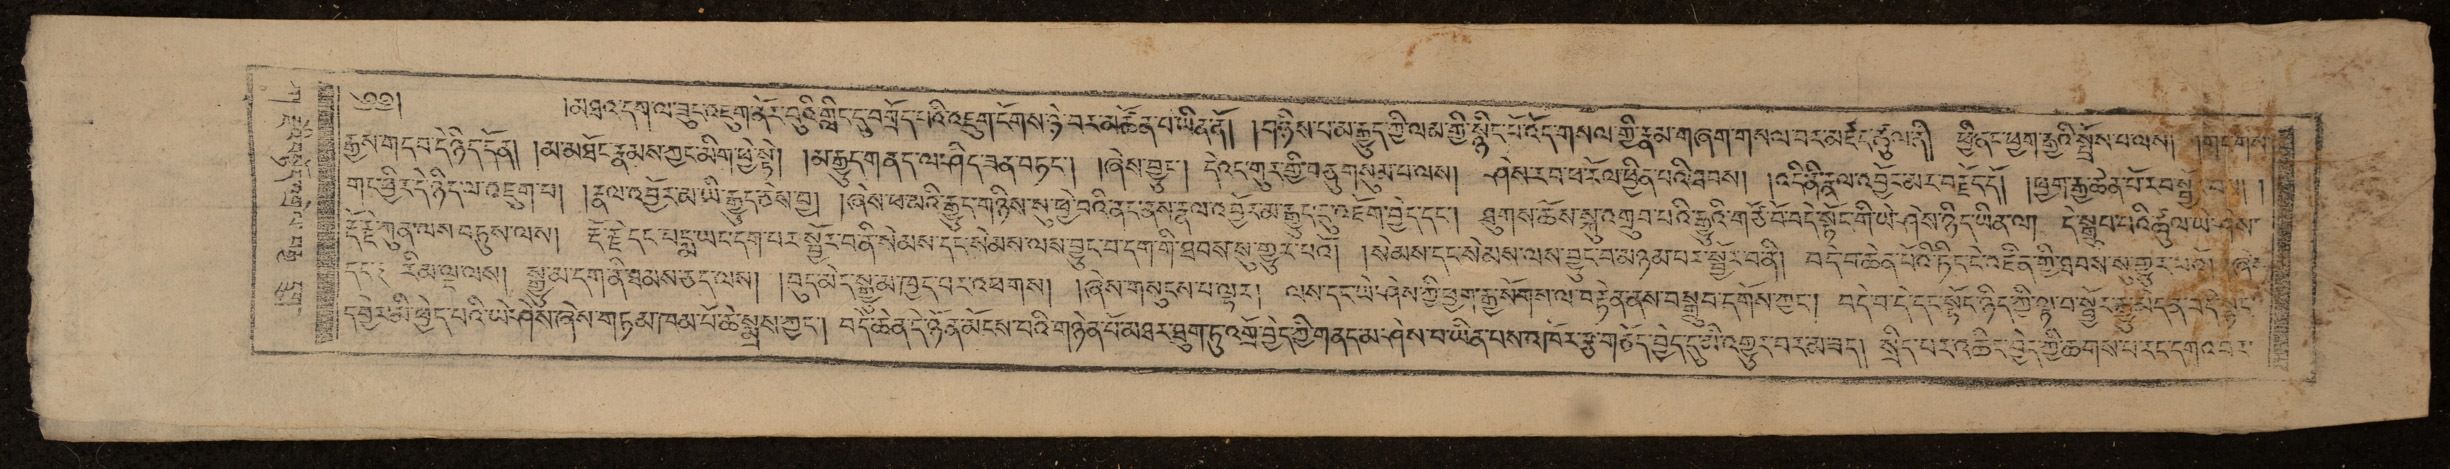༄༅། །མཐའ་དག་ལ་ཟུང་འཇུག་ནོར་བུའི་གླིང་དུ་འགྲོད་པའི་འཇུག་ངོགས་ཉེ་བར་མཚོན་པ་ཡིན་ནོ། །གཉིས་པ་མ་རྒྱུད་ཀྱི་ལམ་གྱི་སྙིང་པོ་འོད་གསལ་གྱི་རྣམ་གཞག་གསལ་བར་མཛད་ཚུལ་ནི། ཕྱི་ནང་ཕྱག་རྒྱའི་སྤྲོས་པ་ལས། །གང་གིས་
རྒྱས་གང་བདེ་ཉིད་དོན། །མ་མཐོང་རྣམས་ཀྱང་མིག་ཕྱེ་སྟེ། །མ་རྒྱུད་གནད་ལ་ཤིད་ཟན་བཏང་། །ཞེས་བྱུང་། དེའང་གུར་གྱི་བཅུ་གསུམ་པ་ལས། ཤེས་རབ་ཕ་རོལ་ཕྱིན་པའི་ཐབས། །འདི་ནི་རྣལ་འབྱོར་མར་བརྗོད་དོ། །ཕྱག་རྒྱ་ཆེན་པོར་བ་སྦྱོར་བས། །
གང་ཕྱིར་དེ་ཉིད་ལ་འཇུག་པ། །རྣལ་འབྱོར་མ་ཡི་རྒྱུད་ཅེས་བྱ། །ཞེས་ཕ་མའི་རྒྱུད་གཉིས་སུ་ཕྱེ་བའི་ནང་ནས་རྣལ་འབྱོར་མ་རྒྱུད་དུ་འཇོག་བྱེད་དང་། ཐུགས་ཆོས་སྐུ་འགྲུབ་པའི་རྒྱུའི་གཙོ་བོ་བདེ་སྟོང་གི་ཡེ་ཤེས་ཉིད་ཡིན་ལ། དེ་སྒྲུབ་པའི་ཚུལ་ལ་ཤེས་
རྡོ་རྗེ་ཀུན་ལས་བཏུས་ལས། རྡོ་རྗེ་དང་པདམ་ཡང་དག་པར་སྦྱོར་བ་ནི་སེམས་དང་སེམས་ལས་བྱུང་བ་དག་གི་ཐབས་སུ་གྱུར་བའོ། །སེམས་དང་སེམས་ལས་བྱུང་བ་མཉམ་པར་སྦྱོར་བ་ནི། བདེ་བ་ཆེན་པོའི་ཏིང་ངེ་འཛིན་གྱི་ཐབས་སུ་གྱུང་པའོ། །ཞེས་
དང༑ རིམ་ལྔ་ལས། སྒྱུ་མ་དག་ནི་ཐམས་ཅད་ལས། །བུད་མེད་སྒྱུ་མ་ཁྱད་པར་འཕགས། །ཞེས་གསུངས་པ་ལྟར། །ལས་དང་ཡེ་ཤེས་ཀྱི་ཕྱག་རྒྱ་སོགས་ལ་བརྟེན་ནས་བསྒྲུབ་དགོས་ཀྱང་། བདེ་བ་དེ་དང་སྟོང་ཉིད་ཀྱི་ལྷ་བ་སྦྱོར་རྒྱུ་མེད་ན་བདེ་སྟོང་
དབྱེར་མི་ཕྱེད་པའི་ཡེ་ཤེས་ཞེས་གཏམ་ཁམ་པོ་ཆེ་སྨྲས་ཀྱང་། བདེ་ཆེན་དེ་ཉོན་མོངས་པའི་གཉེན་པོ་མཐར་ཐུག་ཏུ་འགྲོ་བྱེད་ཀྱི་གནད་མ་ཤེས་པ་ཡིན་པས་འཁོར་རྩ་གཅོད་བྱེད་དུ་མི་འགྱུར་བར་མ་ཟད། སྲིད་བར་འཆིང་བྱེད་ཀྱི་ཆགས་བར་བདག་འབར་